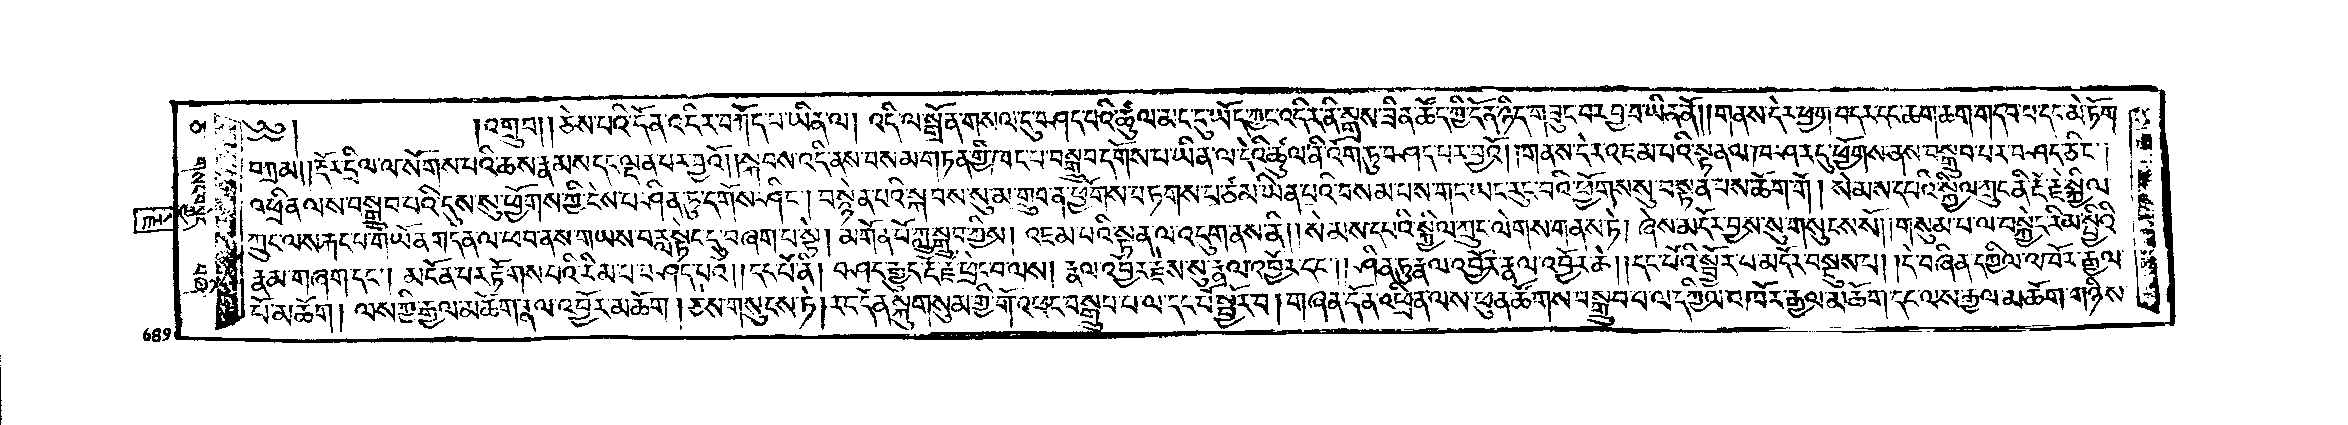༄༅། །འགྲུབ། །ཅེས་པའི་དོན་འདིར་བཀོད་པ་ཡིན་ལ། འདི་ལ་སྒྲོན་གསལ་དུ་བཤད་པའི་ཚུལ་མང་དུ་ཡོད་ཀྱང་འདིར་ནི་སྒྲས་ཟིན་ཚོད་ཀྱི་དེན་ཉིད་གཟུང་བར་བྱ་བ་ཡིན་ནོ། །གནས་དེར་ཕྱག་བདར་དང་ཆག་ཆག་གདབ་པ་དང་མེ་ཏོག་
བཀྲམ། །རྡོར་དྲིལ་ལ་སོགས་པའི་ཆས་རྣམས་དང་ལྡན་པར་བྱའོ། །སྐབས་འདི་ནས་བསམ་གཏན་གྱི་ཁང་པ་བསྒྲུབ་དགོས་པ་ཡིན་ལ་དེའི་ཚུལ་ནི་འོག་ཏུ་བཤད་པར་བྱའོ། །གནས་དེར་འཇམ་པའི་སྟན་ལ་ཁ་ཤར་དུ་ཕྱོགས་ནས་བསྒྲུབ་པར་བཤད་ཅིང་།
འཕྲིན་ལས་བསྒྲུབ་པའི་དུས་སུ་ཕྱོགས་ཀྱི་ངེས་པ་ཤིན་ཏུ་དགོས་ཤིང་། བསྙེན་པའི་སྐབས་སུ་མ་གྲུབ་ན་ཕྱོགས་བཏགས་པ་ཙམ་ཡིན་པའི་བསམ་པས་གང་ཡང་རུང་བའི་ཕྱོགས་སུ་བསྟན་པས་ཆོག་གོ །སེམས་དཔའི་སྐྱིལ་ཀྲུང་ནི་རྡོ་རྗེ་སྐྱིལ་
ཀྲུང་ལས་རྐང་པ་གཡོན་གདན་ལ་ཕབ་ནས་གཡས་བརླ་སྟེང་དུ་བཞག་པ་སྟེ། མགོན་པོ་ཀླུ་སྒྲུབ་ཀྱིས། འཇམ་པའི་སྟན་ལ་འདུག་ནས་ནི། །སེམས་དཔའི་སྐྱིལ་ཀྲུང་ལེགས་གནས་ཏེ། ཞེས་མདོར་བྱས་སུ་གསུངས་སོ། །གསུམ་པ་ལ་བསྐྱེད་རིམ་སྤྱིའི་
རྣམ་གཞག་དང་། མངོན་པར་རྟོགས་པའི་རིམ་པ་བཤད་པའོ། །དང་པོ་ནི། བཤད་རྒྱུད་རྡོ་རྗེ་ཕྲེང་བ་ལས། རྣལ་འབྱོར་རྗེས་སུ་རྣལ་འབྱོར་དང་། །ཤིན་ཏུ་རྣལ་འབྱོར་རྣལ་འབྱོར་ཆེ། །དང་པོའི་སྦྱོར་བ་མདོར་བསྡུས་པ། །དེ་བཞིན་དཀྱིལ་འཁོར་རྒྱལ་
པོ་མཆོག །ལས་ཀྱི་རྒྱལ་མཆོག་རྣལ་འབྱོར་མཆོག །ཅེས་གསུངས་ཏེ། རང་དོན་སྐུ་གསུམ་གྱི་གོ་འཕང་བསྒྲུབ་པ་ལ་དང་པོ་སྦྱོར་བ། གཞན་དོན་འཕྲིན་ལས་ཕུན་ཚོགས་བསྒྲུབ་པ་ལ་དཀྱིལ་འཁོར་རྒྱལ་མཆོག་དང་ལས་རྒྱལ་མཆོག་གཉིས་